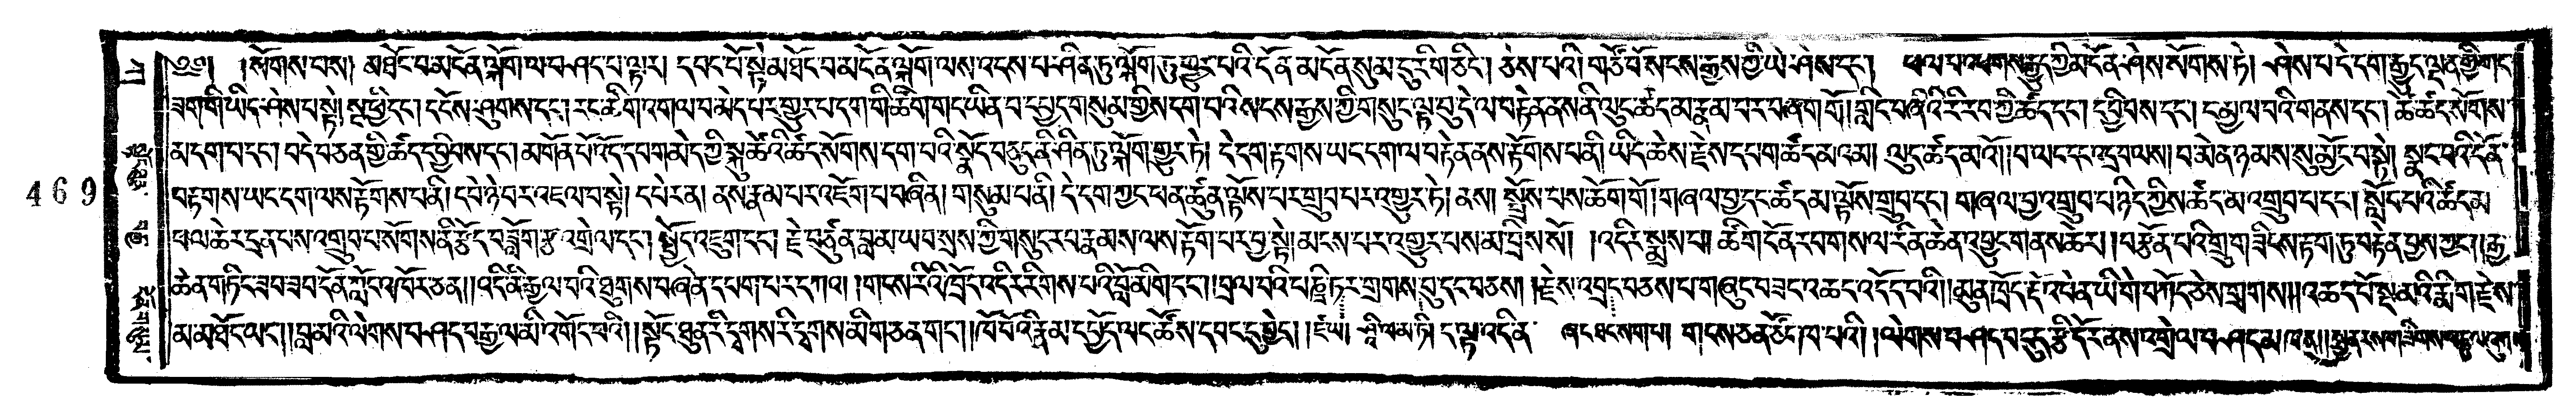༄༅། །སོགས་པས། མཐོང་བ་མངོན་ལྐོག་ལ་བཤད་པ་ལྟར། དབང་པོ་སྟེ་མཐོང་བ་མངོན་ལྐོག་ལས་འདས་པ་ཤིན་ཏུ་ལྐོག་ཏུ་གྱུར་བའི་དོན་མངོན་སུམ་དུ་རིག་ཅིང་། ཅེས་པའི། གཙོ་བོ་སངས་རྒྱས་ཀྱི་ཡེ་ཤེས་དང་། ཕལ་བ་འཕགས་རྒྱུད་ཀྱི་མངོན་ཤེས་སོགས་ཏེ། ཤེས་པ་དེ་དག་རྒྱུད་ལྡན་གྱི་གང་
ཟག་གི་ཡིད་ཤེས་པ་སྟེ། སྔ་ཕྱི་དང་། དངོས་ཤུགས་དང་། རང་ཚིག་འགལ་བ་མེད་པར་གྱུར་པ་དག་གི་ཚིག་གང་ཡིན་པ་དཔྱད་གསུམ་གྱིས་དག་བའི་སངས་རྒྱས་ཀྱི་གསུང་ལྟ་བུ་དེ་ལ་བརྟེན་ནས་ནི་ལུང་ཚད་མ་རྣམ་པར་བཞག་གོ། གླིང་བཞིའི་རི་རབ་ཀྱི་ཚད་དང་། དབྱིབས་དང་། དམྱལ་བའི་གནས་དང་། ཚེ་ཚད་སོགས་
མ་དག་བ་དང་། བདེ་བ་ཅན་གྱི་ཚད་དབྱིབས་དང་། མགོན་པོ་འོད་དཔག་མེད་ཀྱི་སྐུ་ཚེའི་ཚད་སོགས་དག་བའི་སྣོད་བཅུད་ནི་ཤིན་ཏུ་ལྐོག་གྱུར་ཏེ། དེ་དག་རྟགས་ཡང་དག་ལ་བརྟེན་ནས་རྟོགས་པ་ནི། ཡིད་ཆེས་རྗེས་དཔག་ཚད་མའམ། ལུང་ཚད་མའོ། །བ་ལང་དང་འདྲ་བ་ལས། བ་མེན་ཉམས་སུ་མྱོང་བ་སྟེ། སྣང་བའི་དོན་
བརྟགས་ཡང་དག་ལས་རྟོགས་པ་ནི། དཔེ་ཉེ་བར་འཇལ་བ་སྟེ། དཔེར་ན། ནས་རྣམ་པར་འཇོག་པ་བཞིན། གསུམ་པ་ནི། དེ་དག་ཀྱང་ཕན་ཚུན་ལྟོས་པར་གྲུབ་པར་འགྱུར་ཏེ། ནས། སྤྲོས་པས་ཆོག་གོ། གཞལ་བྱ་དང་ཚད་མ་ལྟོས་གྲུབ་དང་། གཞལ་བྱ་འགྲུབ་པ་ཉིད་ཀྱིས་ཚད་མ་འགྲུབ་པ་དང་། སློད་པའི་ཚད་མ་
ཕལ་ཆེར་དྲན་པས་འགྲུབ་པ་སོགས་ནི་རྩོད་བཟློག་རྩ་འགྲེལ་དང་། སྤྱོད་འཇུག་དང་། རྗེ་བཙུན་བླ་མ་ཡབ་སྲས་ཀྱི་གསུང་རབ་རྣམས་ལས་རྟོག་པར་བྱ་སྟེ། མངས་པར་འགྱུར་པས་མ་བྲིས་སོ། །འདིར་སྨྲས་བ། ཚིག་དོན་རབ་གསལ་རིན་ཆེན་འབྱུང་གནས་ཆེར། །བརྩོན་པའི་གྲུ་གཟིངས་རྟག་ཏུ་བརྟེན་བྱས་ཀྱང་། །རྒྱ་
ཆེན་གཏིང་ཟབ་ཟབ་དོན་ཀློང་འཁོར་ཅན། །འདི་ནི་རྒྱལ་བའི་ཐུགས་བཞེན་དཔག་པར་དཀའ། །གངས་རིའི་ཁྲོད་འདིར་རིགས་པའི་བློ་མིག་དང་། ཁྲལ་བའི་པཎྜི་ཏར་གྲགས་བུ་དང་བཅས། །རྗེས་འབྲང་བཅས་པ་གཞུང་བཟང་འཆད་འདོད་པའི། །མུན་ཁྲོད་རྡོ་འཕེན་ཡི་གེ་བཀོད་ཅེས་གྲགས། །འཆད་པོ་སྔ་མའི་རྨིག་རྗེས་
མ་མཐོང་ཡང་། །བླ་མའི་ལེགས་བཤད་བརྒྱ་ལ་མི་འགོད་བའི། །སྟོང་ཐུན་རི་དྭགས་རི་དྭགས་མིག་ཅན་གང་། །ཁོ་བོའི་རྣམ་དཔྱོད་ལང་ཚོས་དབང་དུ་བྱེད། །ཛ་ཡ། ཤཱི་ལམ་ཏི།  ད་ལྟ་འདི་ན་ཞང་ཐང་སག་?་པ།  གངས་ཅན་ཙོང་ཁ་པའི། །ལེགས་བཤད་བདུད་རྩི་དོར་ནས་འགྲེལ་བཤད་མཁས། །སྤྱན་རས་གཟིགས་བརྟུལ་ཞུགས